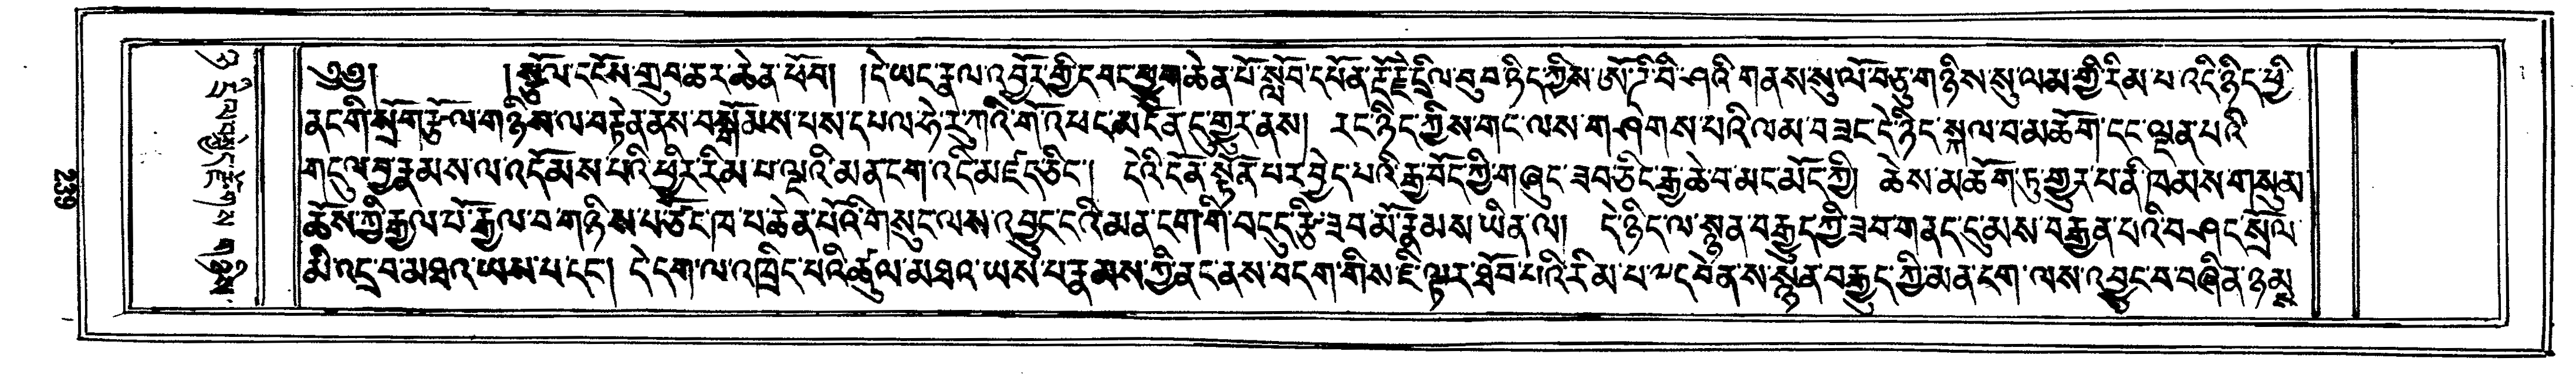༄༅། །སྩོལ་དངོས་གྲུབ་ཆར་ཆེན་ཕོབ། །དེ་ཡང་རྣལ་འབྱོར་གྱི་དབང་ཕྱུག་ཆེན་པོ་སློབ་དཔོན་རྡོ་རྗེ་དྲིལ་བུ་བ་ཉིད་ཀྱིས་ཨོ་ཌི་བི་ཤའི་གནས་སུ་ལོ་བཅུ་གཉིས་སུ་ལམ་གྱི་རིམ་པ་འདི་ཉིད་ཕྱི་
ནང་གི་སྲོག་རྩོལ་གཉིས་ལ་བརྟེན་ནས་བསྒོམས་པས་དཔལ་ཧེ་རུ་ཀའི་གོ་འཕང་མངོན་དུ་གྱུར་ནས། རང་ཉིད་ཀྱིས་གང་ལས་གཤེགས་པའི་ལམ་བཟང་དེ་ཉིད་སྐལ་བ་མཆོག་དང་ལྡན་པའི་
གདུལ་བྱ་རྣམས་ལ་འདོམས་པའི་ཕྱིར་རིམ་པ་ལྔའི་མན་ངག་འདི་མཛད་ཅིང་། དེའི་དོན་སྟོན་པར་བྱེད་པའི་རྒྱ་བོད་ཀྱི་གཞུང་ཟབ་ཅིང་རྒྱ་ཆེ་བ་མང་མོང་ཀྱི། ཆེས་མཆོག་ཏུ་གྱུར་པ་ནི་ཁམས་གསུམ་
ཆོས་ཀྱི་རྒྱལ་པོ་རྒྱལ་བ་གཉིས་པ་ཙོང་ཁ་བ་ཆེན་པོའི་གསུང་ལས་འབྱུང་བའི་མན་ངག་གི་བདུད་རྩི་ཟབ་མོ་རྣམས་ཡིན་ལ། དེ་ཉིད་ལ་སྙན་བརྒྱུད་ཀྱི་ཟབ་གནད་དུ་མས་བརྒྱན་པའི་བཤད་སྲོལ་
མི་འདྲ་བ་མཐའ་ཡས་པ་དང་། དེ་དག་ལ་འཁྲིད་པའི་ཚུལ་མཐའ་ཡས་པ་རྣམས་ཀྱི་ནང་ནས་བདག་གིས་ཇི་ལྟར་ཐོབ་པའི་རིམ་པ་དབེན་ས་སྙན་བརྒྱུད་ཀྱི་མན་ངག་ལས་འབྱུང་བ་བཞིན་ཉམས་